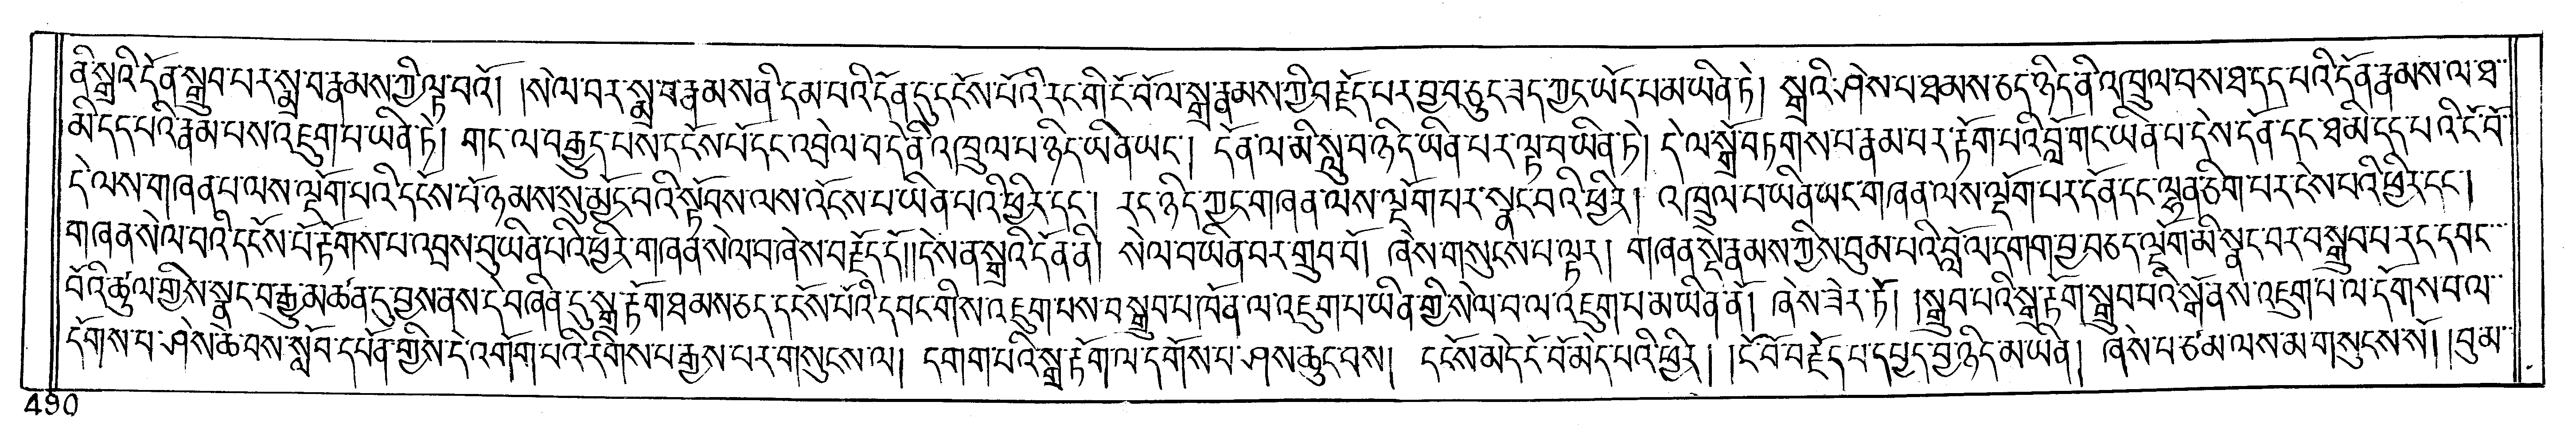ནི་སྒྲའི་དོན་སྒྲུབ་པར་སྨྲ་བ་རྣམས་ཀྱི་ལྟ་བའོ། །སེལ་བར་སྨྲ་བ་རྣམས་ནི་དམ་པའི་དོན་དུ་དངོས་པོའི་རང་གི་ངོ་བོ་ལ་སྒྲ་རྣམས་ཀྱི་བརྗོད་པར་བྱ་བ་ཅུང་ཟད་ཀྱང་ཡོད་པ་མ་ཡིན་ཏེ། སྒྲའི་ཤེས་པ་ཐམས་ཅད་ཉིད་ནི་འཁྲུལ་པས་ཐ་དད་པའི་དོན་རྣམས་ལ་ཐ་
མི་དད་པའི་རྣམ་པས་འཇུག་པ་ཡིན་ཏེ། གང་ལ་བརྒྱུད་པས་དངོས་པོ་དང་འབྲེལ་བ་དེ་ནི་འཁྲུལ་པ་ཉིད་ཡིན་ཡང་། དོན་ལ་མི་སླུ་བ་ཉིད་ཡིན་པར་ལྟ་བ་ཡིན་ཏེ། དེ་ལ་སྒྲོ་བཏགས་པ་རྣམ་པར་རྟོག་པའི་བློ་གང་ཡིན་པ་དེས་དོན་དང་ཐ་མི་དད་པའི་ངོ་བོ་
དེ་ལས་གཞན་པ་ལས་ལྡོག་པའི་དངོས་པོ་ཉམས་སུ་མྱོང་བའི་སྟོབས་ལས་འོངས་པ་ཡིན་པའི་ཕྱིར་དང་། རང་ཉིད་ཀྱང་གཞན་ལས་ལྡོག་པར་སྣང་བའི་ཕྱིར། འཁྲུལ་པ་ཡིན་ཡང་གཞན་ལས་ལྡོག་པར་དོན་དང་ལྷན་ཅིག་པར་ངེས་པའི་ཕྱིར་དང་།
གཞན་སེལ་བའི་དངོས་པོ་རྟོགས་པ་འབྲས་བུ་ཡིན་པའི་ཕྱིར་གཞན་སེལ་བ་ཞེས་བརྗོད་དོ། །དེས་ན་སྒྲའི་དོན་ནི། སེལ་བ་ཡིན་པར་གྲུབ་བོ། ཞེས་གསུངས་པ་ལྟར། གཞན་སྡེ་རྣམས་ཀྱིས་བུམ་པའི་བློ་ལ་དགག་བྱ་བཅད་ལྡོག་མི་སྣང་བར་བསྒྲུབ་པ་རང་དབང་
བའི་ཚུལ་གྱིས་སྣང་བ་རྒྱུ་མཚན་དུ་བྱས་ནས་དེ་བཞིན་དུ་སྒྲ་རྟོག་ཐམས་ཅད་དངོས་པོའི་དབང་གིས་འཇུག་པས་བསྒྲུབ་པ་ཁོ་ན་ལ་འཇུག་པ་ཡིན་གྱི་སེལ་བ་ལ་འཇུག་པ་མ་ཡིན་ནོ། ཞེས་ཟེར་ཏོ། །སྒྲུབ་པའི་སྒྲ་རྟོག་སྒྲུབ་པའི་སྒོ་ནས་འཇུག་པ་ལ་དོགས་པ་ལ་
དོགས་པ་ཤས་ཆེ་བས་སློབ་དཔོན་གྱིས་དེ་འགོག་པའི་རིགས་པ་རྒྱས་པར་གསུངས་ལ། དགག་པའི་སྒྲ་རྟོག་པ་དོགས་པ་ཤས་ཆུང་བས། དངོས་མེད་ངོ་བོ་མེད་པའི་ཕྱིར། །ངོ་བོ་བརྗོད་པར་པྱད་བྱ་ཉིད་མ་ཡིན། ཞེས་པ་ཙམ་ལས་མ་གསུངས་སོ། །བུམ་